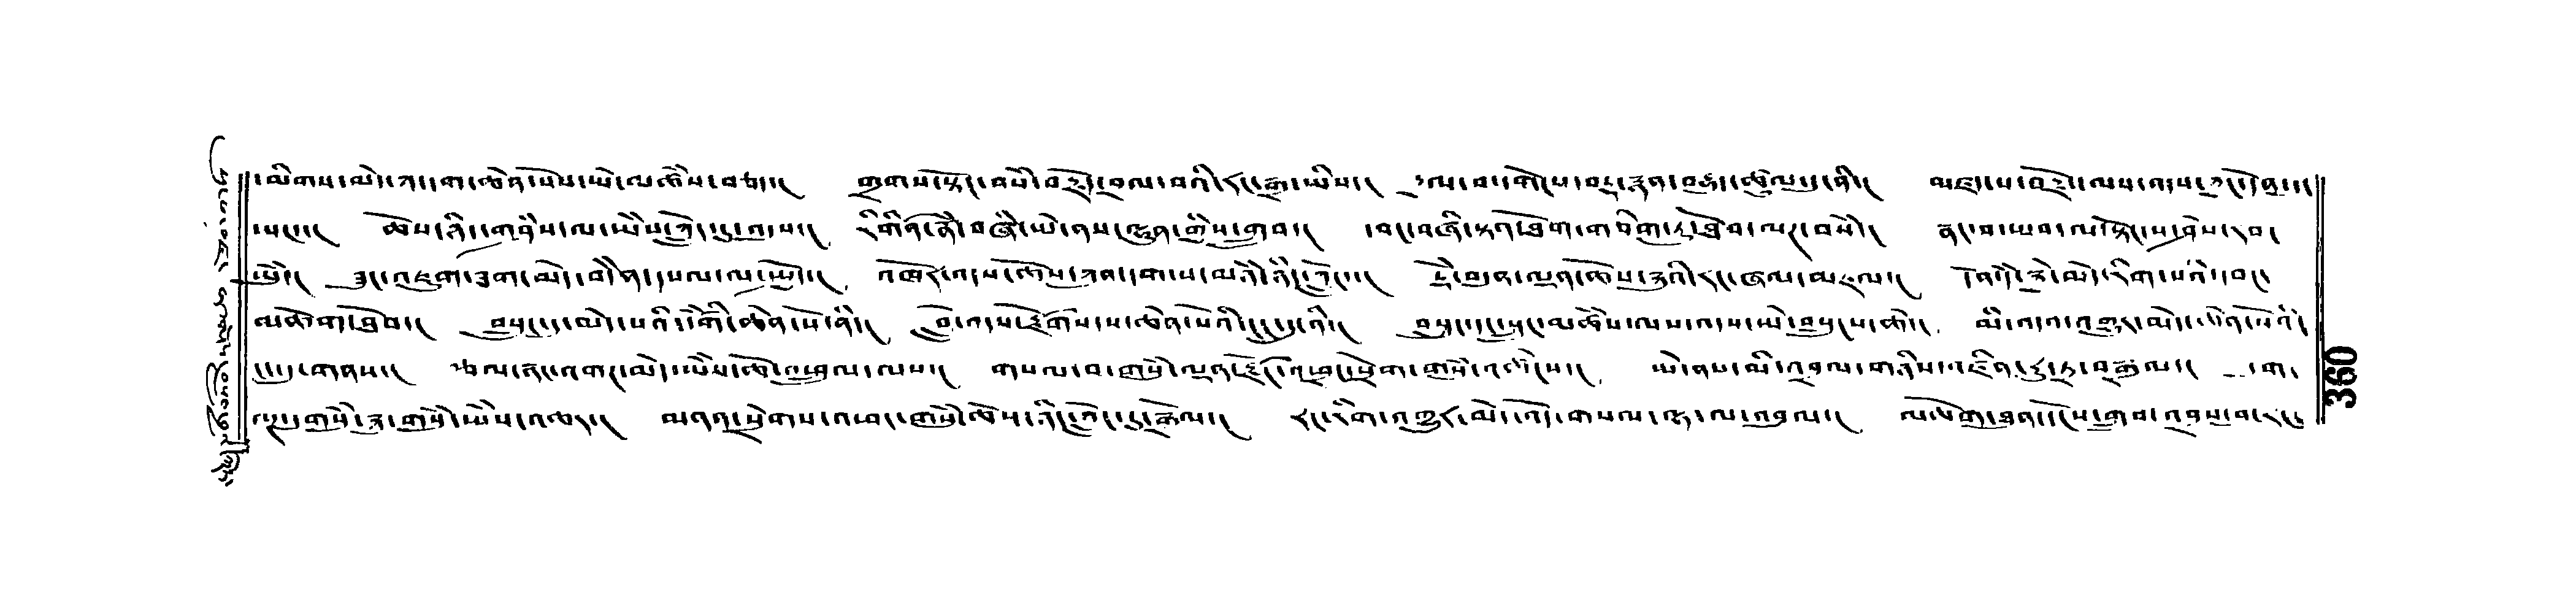།དམིགས་མེད་ཀ་དག་ཆེན་པོས་ཡེ་མཚམས་བཅད། །གྲགས་སྟོང་བསམ་བརྗོད་བྲལ་བའི་རང་སྒྲ་ཡིས། །རྒྱལ་བ་དགོངས་བརྡ་སྙན་བརྒྱུད་ཚུལ་དུ་ནི། །མཛད་པ་བརྗོད་ལས་འདས་ཀྱང་དོན་དུ་
ཡང་། ཆོས་ཉིད་གཤིས་ལ་ཡེ་ཤེས་ཀློང་དུ་འདུས། །རིག་འཛིན་རྣམ་བཞི་ཡེ་ནས་ལྷུན་གྱིས་གྲུབ། །དབང་བཞི་སྟན་ཐོག་གཅིག་ཏུ་ཐོབ་ལགས་བསམ། །སྣང་བ་ཡབ་ལ་སྟོང་པ་ཤེས་རབ་
ཡུམ། །ཟུང་འཇུག་ཟག་མེད་བདེ་ཆེན་དཔལ་ལ་སྤྱོད། །འཁོར་འདས་ཆོས་ཀུན་དག་པ་མཉམ་ཉིད་ཀློང་། །རྡོ་རྗེ་བདུན་ལྡན་ཆོས་སྐུའི་རང་ཞལ་མཇལ། །དོན་དམ་སྐྱེ་མེད་རིག་པའི་དབང་
མཆོག་ཐོབ། །བསྲུང་དུ་མེད་པའི་དམ་ཚིག་ཆེན་པོ་ནི། །བློ་འདས་རྫོགས་པ་ཆེན་པོའི་ངང་དུ་ནི། །བསྲུང་དང་སྲུང་མཚམས་ལས་འདས་ཡེ་བསྲུངས་ཆེ། །མི་འདའ་འགྱུར་མེད་ཆེན་པོའི་
ངང་དུ་གནས། །རྩལ་སྣང་འགགས་མེད་ཡེ་ཤེས་ཆོ་འཕྲུལ་ལས། །གསལ་བ་གསུམ་ལྡན་རྫོང་འཕྲང་སྲོག་གསུམ་འཚེངས། །ཡེ་ནས་མི་འབྲལ་གཉིས་འཛིན་རུ་ཏྲ་བསྒྲལ། །དུག་
ལྔ་དུག་གསུམ་སྐུ་གསུམ་ཡེ་ཤེས་འཆར། །མནན་སྲེག་འཕང་གསུམ་ཆོས་ཉིད་ཀློང་དུ་སྒྲོལ། །རང་རིག་འགྱུར་མེད་འོད་གསལ་ལྷ་ལ་འབུལ། །མཆོག་ཐུན་དངོས་གྲུབ་འབྲས་བུ་རང་